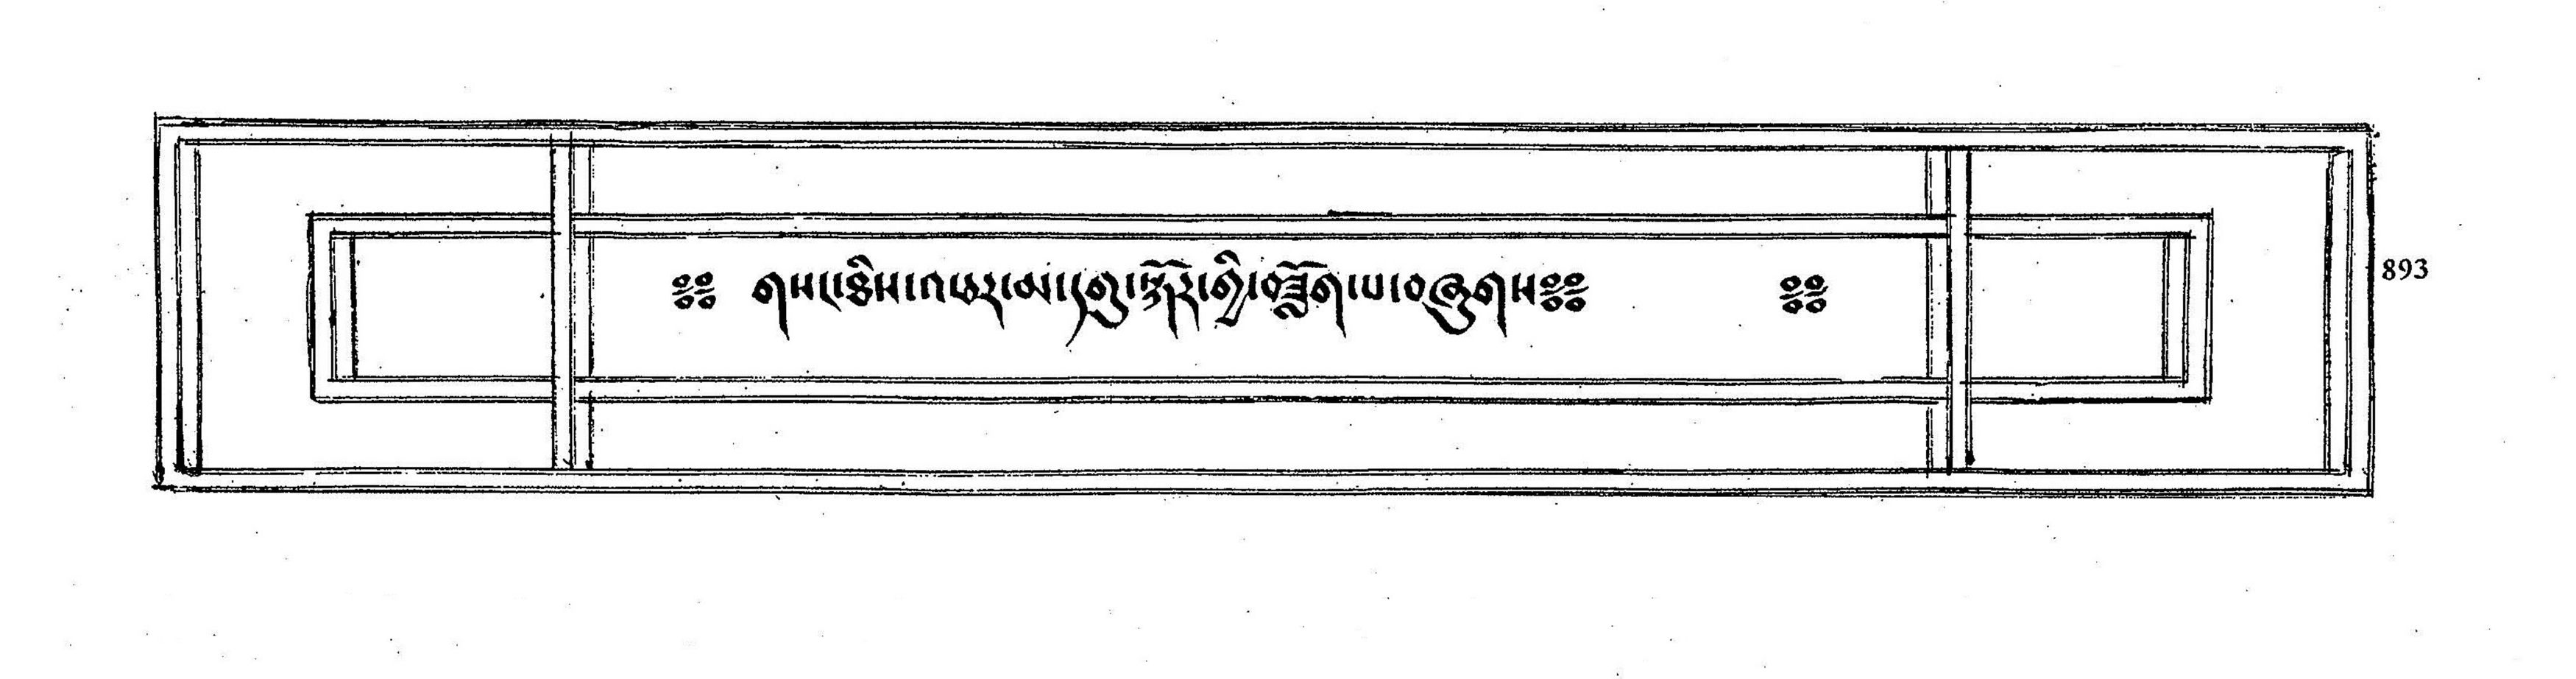༔༔ གསང་ཐིས་འཕར་མ་དགུ་སྐོར་གྱི་བཟློག་པ་བཞུགས༔༔ ༔༔